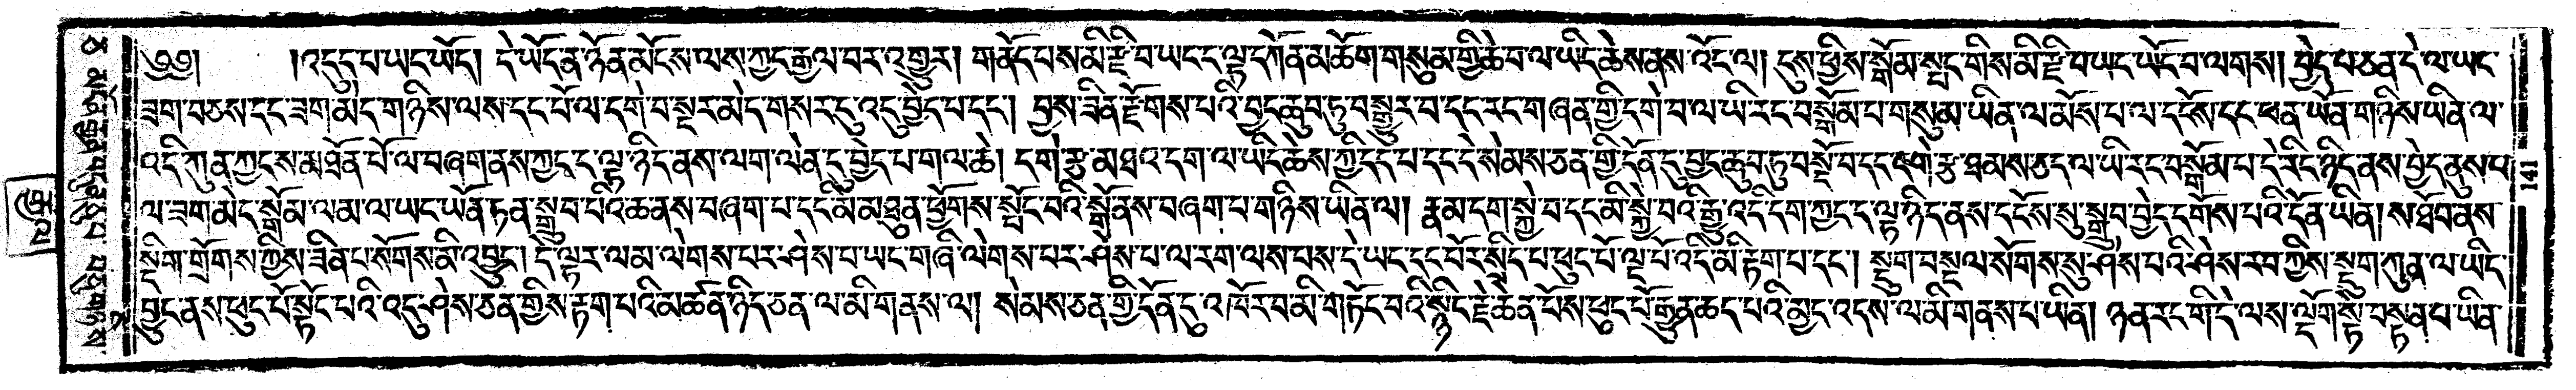༄༅། །འདུད་པ་ཡང་ཡོད། དེ་ཡོད་ན་ཉོན་མོངས་ལས་ཀྱང་རྒྱལ་བར་འགྱུར། གནོད་པས་མི་རྫི་བ་ཡང་ད་ལྟ་དཀོན་མཆོག་གསུམ་གྱི་ཆེ་བ་ལ་ཡིད་ཆེས་ནས་འོང་ལ། དུས་ཕྱིས་སྒོམ་སྤང་གིས་མི་རྫི་བ་ཡང་ཡོད་པ་ལགས། བྱེད་པ་ཅན་དེ་ལ་ཡང་
ཟག་བཅས་དང་ཟག་མེད་གཉིས་ལས་དང་པོ་ལ་དགེ་བ་སྔར་མེད་གསར་དུ་འདུ་བྱེད་པ་དང་། བྱས་ཟིན་རྫོགས་པའི་བྱང་ཆུབ་ཏུ་བསྒྱུར་བ་དང་རང་གཞན་གྱི་དགེ་བ་ལ་ཡི་རང་བསྒོམ་པ་གསུམ་ཡིན་ལ་མོས་པ་ལ་དངོས་དང་ཕན་ཡོན་གཉིས་ཡིན་ལ་
འདི་ཀུན་ཀྱང་ས་མཐོན་པོ་ལ་བཞག་ནས་ཀྱང་ད་ལྟ་ཉིད་ནས་ལག་ལེན་དུ་བྱེད་པ་གལ་ཆེ། དགེ་རྩ་མཐའ་དག་ལ་ཡིད་ཆེས་ཀྱི་དད་པ་དང་དེ་སེམས་ཅན་གྱི་དོན་དུ་བྱང་ཆུབ་ཏུ་བསྔོ་བ་དང་དགེ་རྩ་ཐམས་ཅད་ལ་ཡི་རང་བསྒོམ་པ་དེ་རིང་ཉིད་ནས་བྱེད་ནུས་པ་
ལ་ཟག་མེད་སྒོམ་ལམ་ལ་ཡང་ཡོན་ཏན་སྒྲུབ་པའི་ཆ་ནས་བཞག་པ་དང་མི་མཐུན་ཕྱོགས་སྤོང་བའི་སྒོ་ནས་བཞག་པ་གཉིས་ཡིན་ལ། རྣམ་དག་སྐྱེ་བ་དང་མི་སྐྱེ་བའི་རྒྱུ་འདི་དག་ཀྱང་ད་ལྟ་ཉིད་ནས་དངོས་སུ་སྒྲུབ་བྱེད་དགོས་པའི་དོན་ཡིན། ས་ཐོབ་ནས་
སྡིག་གྲོགས་ཀྱིས་ཟིན་པ་སོགས་མི་འབྱུང་། དེ་ལྟར་ལམ་ལེགས་པར་ཤེས་པ་ཡང་གཞི་ལེགས་པར་ཤེས་པ་ལ་རག་ལས་པས་དེ་ཡང་དང་པོར་སྲིད་པ་ཕུང་པོ་ལྔ་པོ་འདི་མི་རྟག་པ་དང་། སྡུག་བསྔལ་སོགས་སུ་ཤེས་པའི་ཤེས་རབ་ཀྱིས་སྡུག་ཀུན་ལ་ཡིད་
བྱུང་ནས་ཕུང་པོ་སྟོང་པའི་འདུ་ཤེས་ཅན་གྱིས་རྟག་པའི་མཚན་ཉིད་ཅན་ལ་མི་གནས་ལ། སེམས་ཅན་གྱི་དོན་དུ་འཁོར་བ་མི་གཏོང་བའི་སྙིང་རྗེ་ཆེན་པོས་ཕུང་པོ་རྒྱུན་ཆད་པའི་མྱང་འདས་ལ་མི་གནས་པ་ཡིན། ཉན་རང་གི་དེ་ལས་ལྡོག་སྟེ་བསྟན་པ་ཡིན་